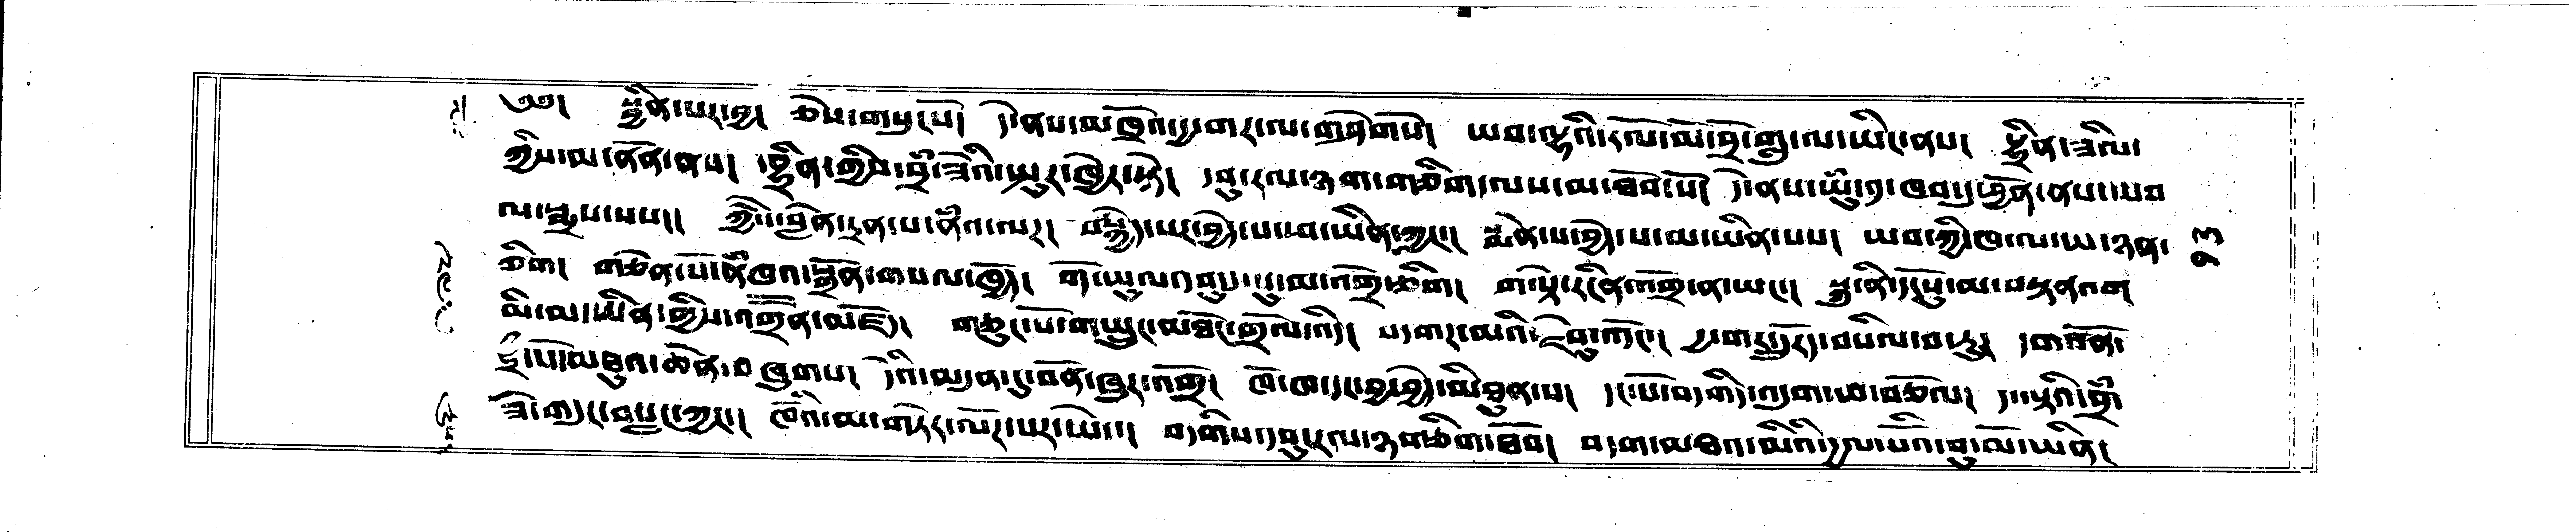སྦྱིན་པར་བྱ། ཅེས་གསུངས་སོ། དེ་ནས་མཁའ་འགྲོ་རྒྱ་གར་ལ་གཤེགས་སོ། ཡབ་ལྷའི་རོལ་མོ་བྲོ་གླུ་ལ་ཡེངས་ནས། ལྷ་སྲིན་ཟིལ་
གྱིས་མ་ནོན་ནས། ལྷ་སྲིན་གྱིས་བྲམ་ཟེའི་སྤུར་ཁྱེར་ཏེ། དབུ་རལ་ཉག་གཅིག་ལས་མ་ཐོབ་བོ། དེ་ནས་ཡུམ་གཅིག་ཁབ་ཏུ་བྱོན་ནས་ཡབ་
ལ་སྨྲས་པས། ཀྱཻའི་བླ་ཆེན་དྲན་པ་ནམ་མཁའ་ལགས། བསྐྱེད་པར་བྱེད་པ་ཕ་ཡིན་ཀྱང་། སྨིན་པར་བྱེད་པ་མ་ཡིན་པས། ཡབ་ཀྱི་ཁ་ལ་ཡ་ཉན་
ཅིག གཅེན་པོ་ནམ་མཁའ་སྒྲོན་གསལ་ཁྱོད། བོད་ཡུལ་དབུས་སུ་མ་འགྲོ་ཅིག གལ་ཏེ་རང་བཞིོན་འགྲོ་ན་ཡང་། སྐུ་ནི་དངོས་སུ་མ་བསྟན་ལ།
མི་མ་ཡིན་གྱི་འགྲོ་དོན་མཛོད། གཅུང་པོ་གཡུང་དྲུང་མཐོང་གྲོལ་འདི། བདག་ཅག་མའི་རྗེས་སུ་འདོང་། རྒྱ་གར་དུར་ཁྲོད་བསིལ་བ་རུ། དབལ་བོན་
ཧྲོམ་པོ་མཐུ་ཆེན་བཞུགས། དེའི་མདུན་དུ་བོན་ཞུར་འགྲོ། ཁོ་ཁ་དང་བྱ་བྱེད་མི་མཐུན་པ། དང་པོ་བདག་ཉིད་འདུག་མ་བཅོལ། ད་ལྟའི་བྲམ་
ཟེ་གདུང་བསླངས་ཀྱང་། ཁོ་ཡིས་མ་སྟེར་ལོག་པར་གཡེང་། བདག་གི་དབུ་རལ་ཉག་གཅིག་ཐོབ། བདག་མཐའ་མིའི་རྒྱལ་པོའི་དབུ་ལོ་ཡིན།